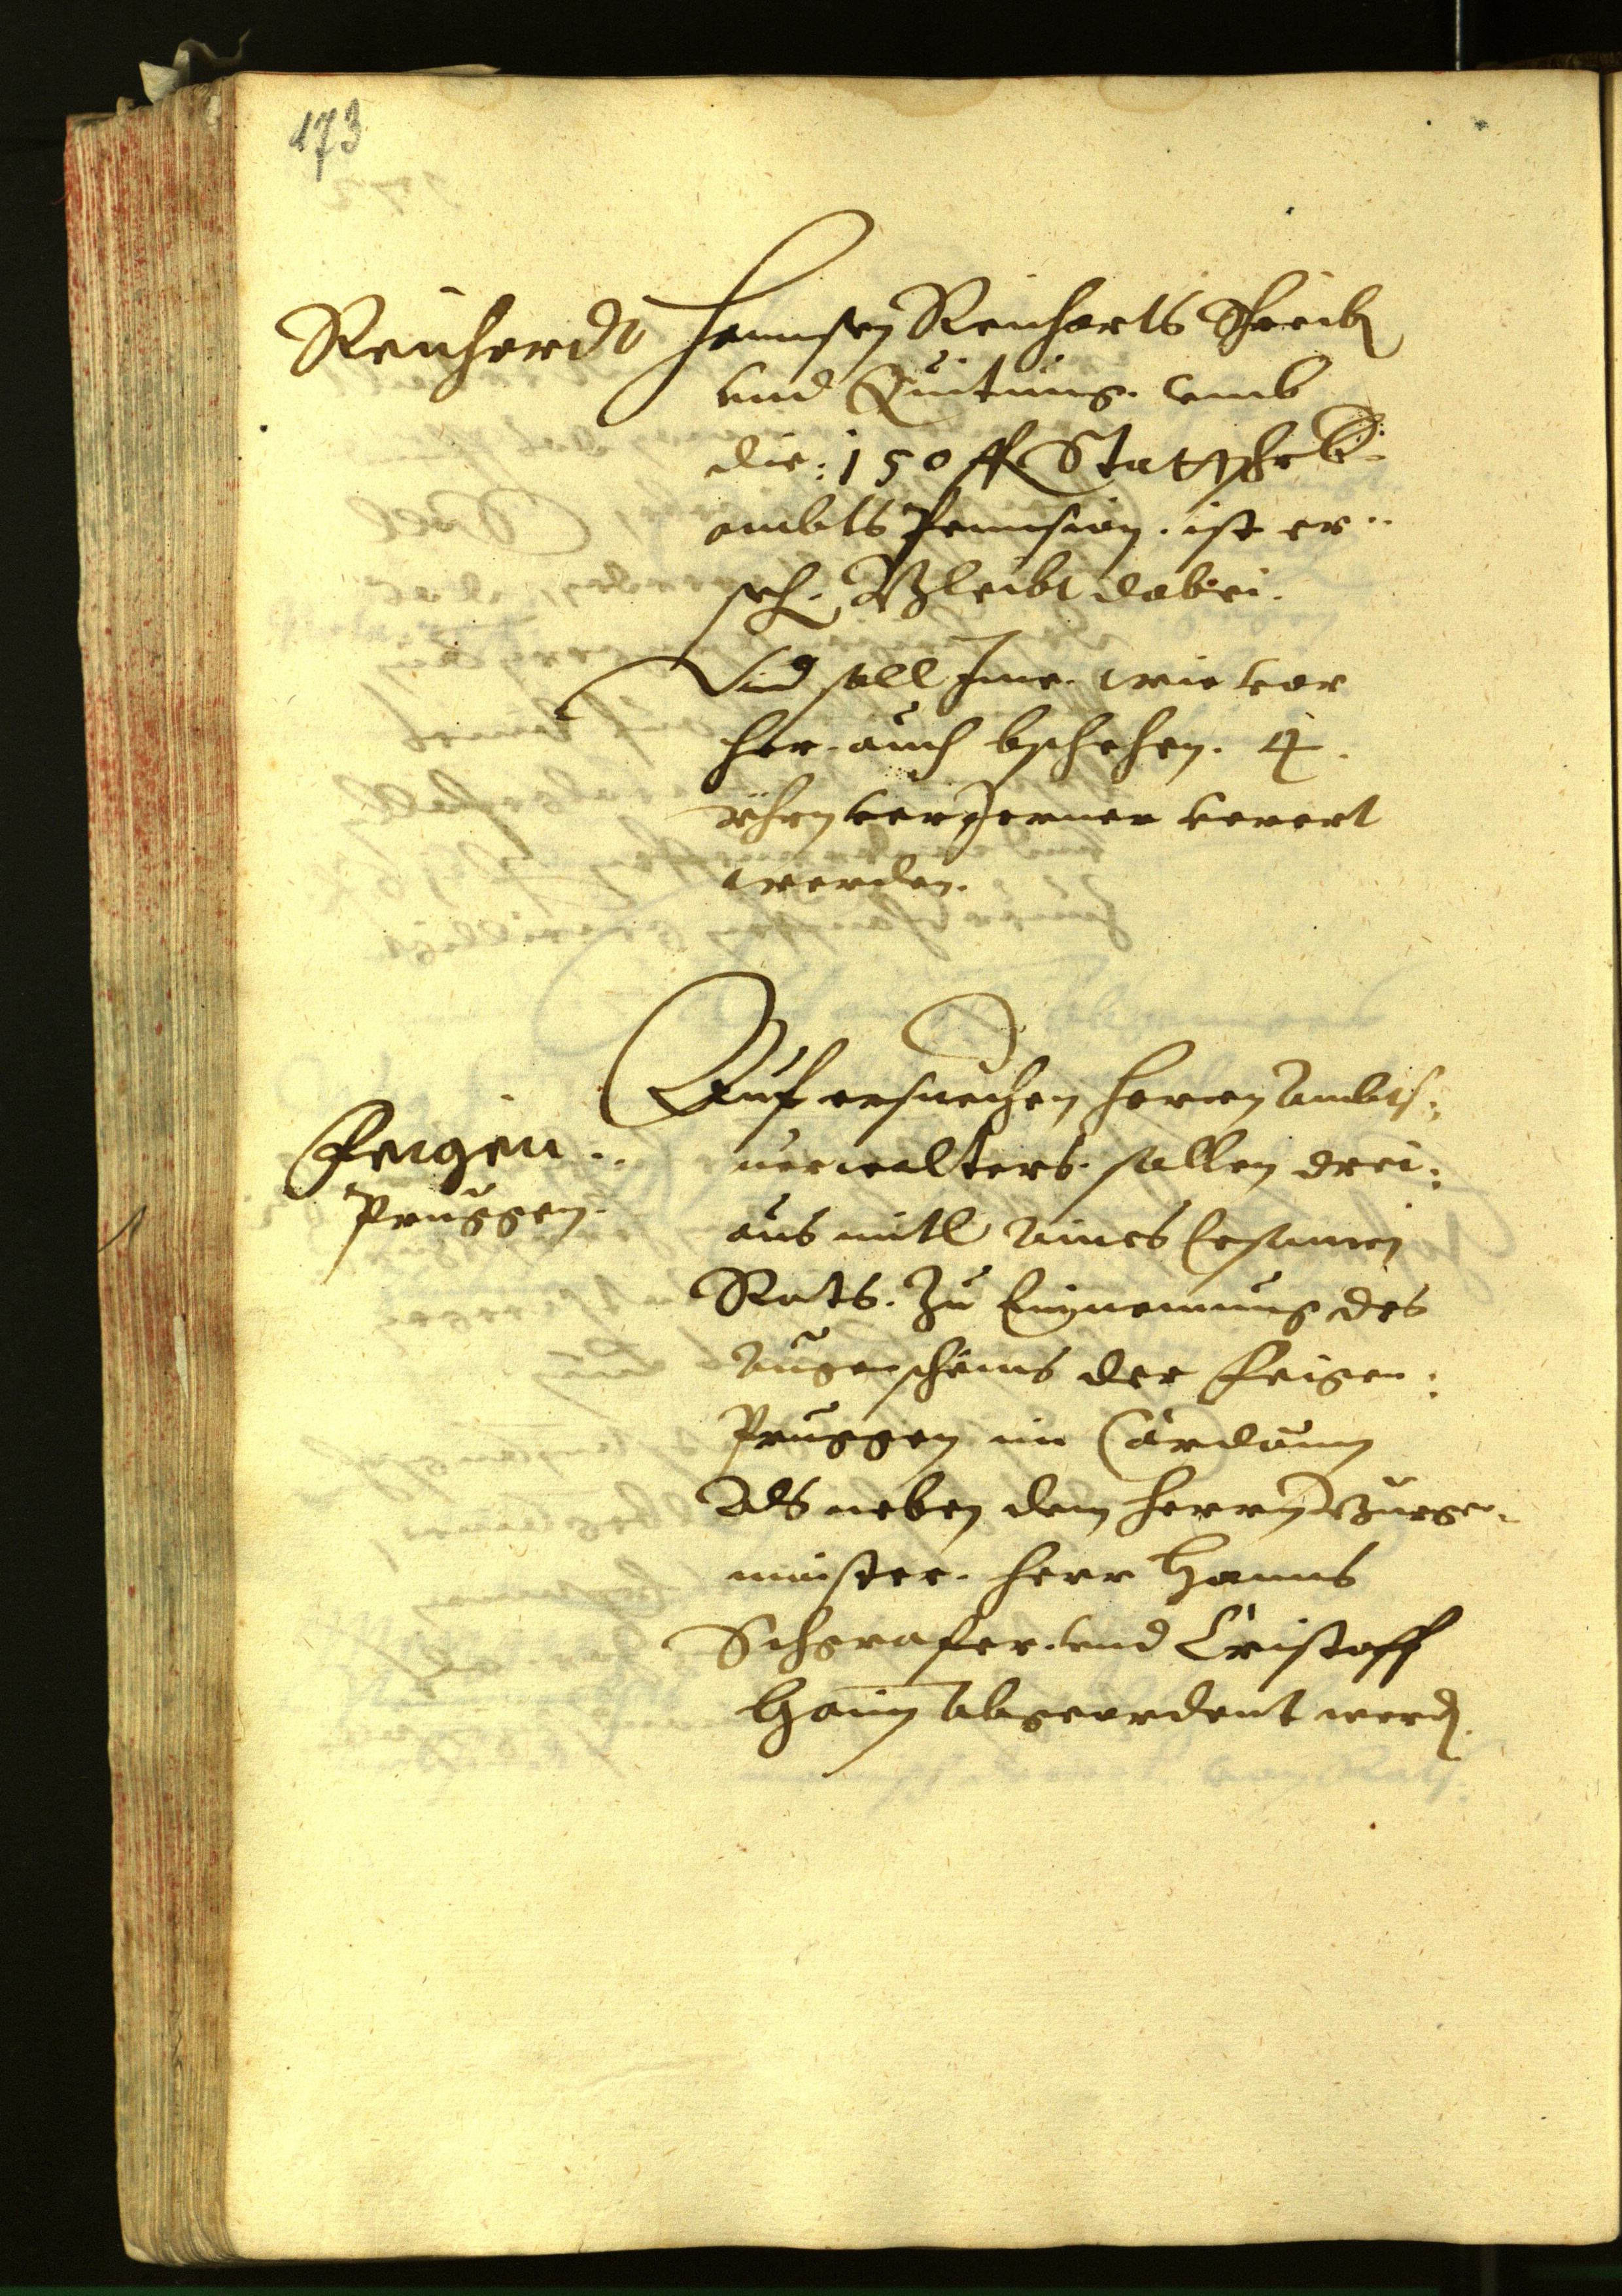173
hannsen Reichardts Schreib
vnd Qūitūng. vmb
die: 150 fl Stattschr¬
ambts Pennsion. ist er¬
seh. Bleibt dabei.
Vnd soll Ime. wie vor
her. aūch bschehen. 4.
v̈hrn ver Jerner verert
werden.
Reichardt
Aūf ersūechen herrn Ambts¬
ūerwalters. sollen drei¬
aūs mitl Aines Ersamen
Rats. Zū Einnemūng des
Aūgenscheins der Feigen¬
Prūggen im Cardaūn
Als neben dem herrn Būrger¬
maister. herr Hanns
Schgrafer. vnd Cristoff
Haim Abgeordent werd.
Feigen¬
Prūggen.